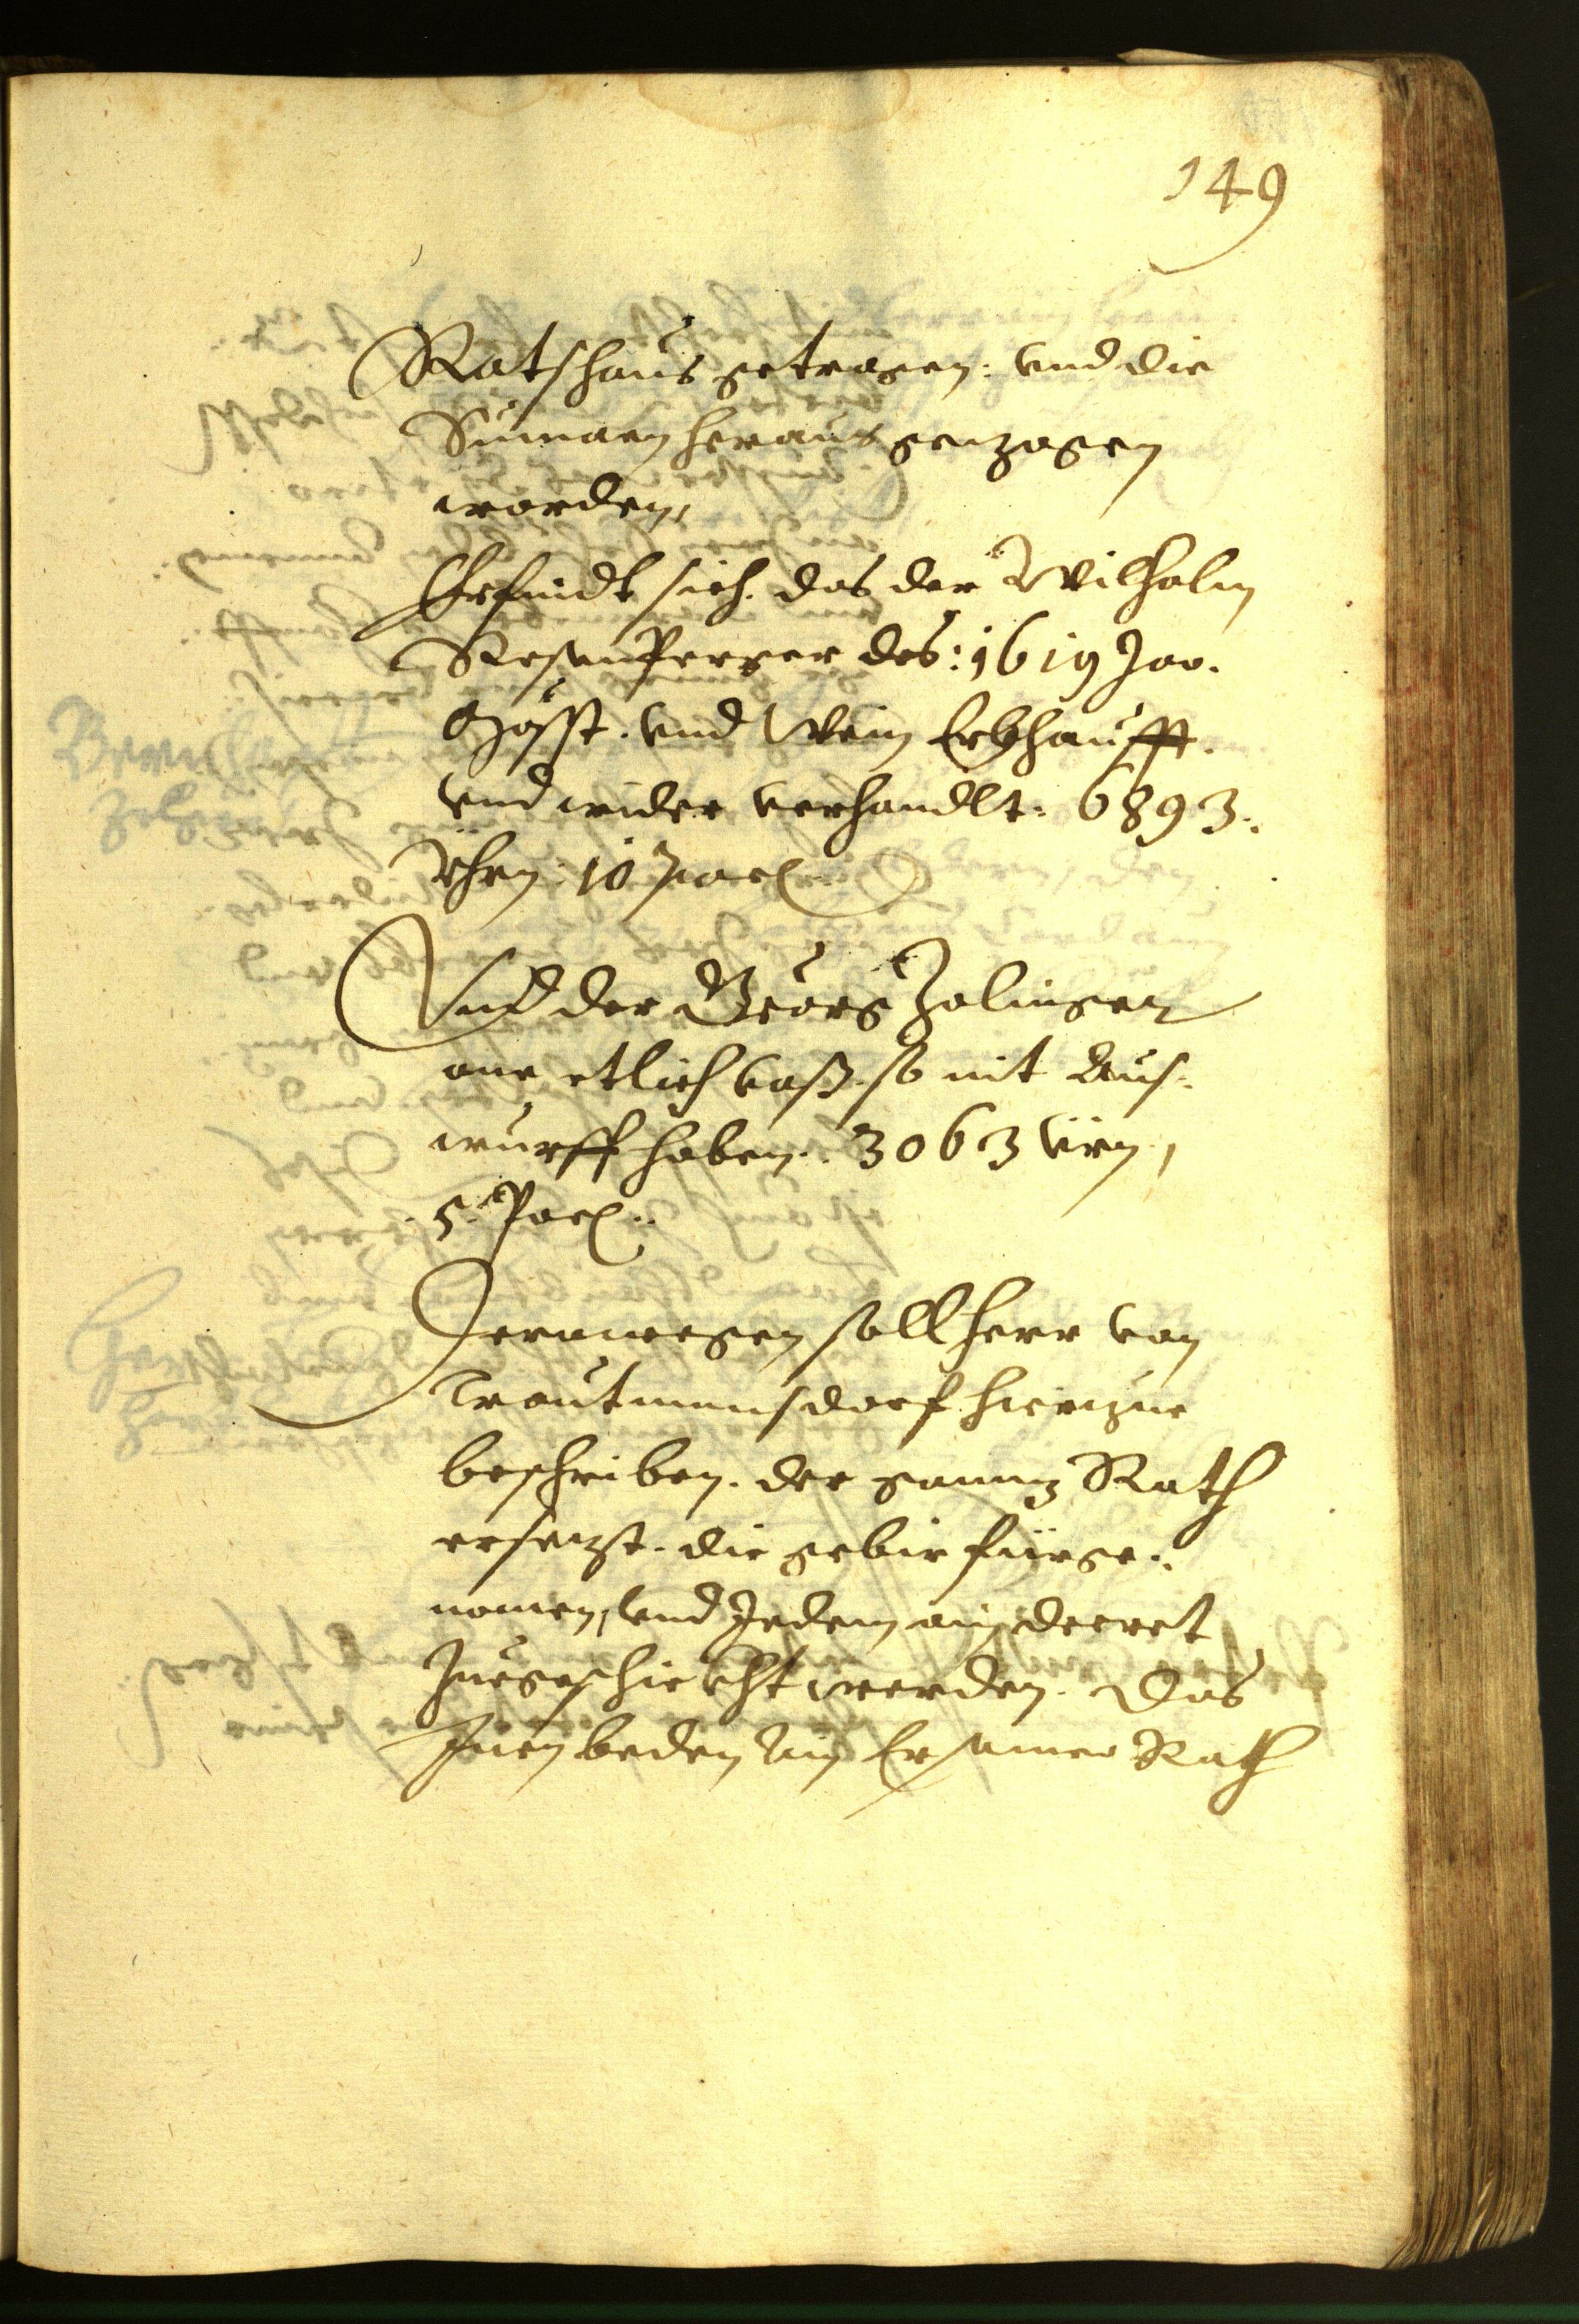149
Ratshaūs getragen: vnd die
Sūmarn heraūs getzogen
worden,
Erfindt sich. das der Wilhalm
ResenPerger des: 1619 Jar.
Mōsst. vnd Wein Erkhaūfft.
vnd wider verhandlt: 6893:
v̈hrn: 10 Pac:
Vnd der Geōrg Zalinger
one etlich vaß. so nit Aūs¬
wūrff haben: 3063 v̈rn,
.5. Pac:
Derowegen soll herr von
Traūtmansdorf hierzūe
beschriben. der gannz Rath
ersezt. die gebir fürge¬
nomen, vnd Jedem ain decret
Zūegeschickht werden. das
Inen beden Ain Ersamer Rath